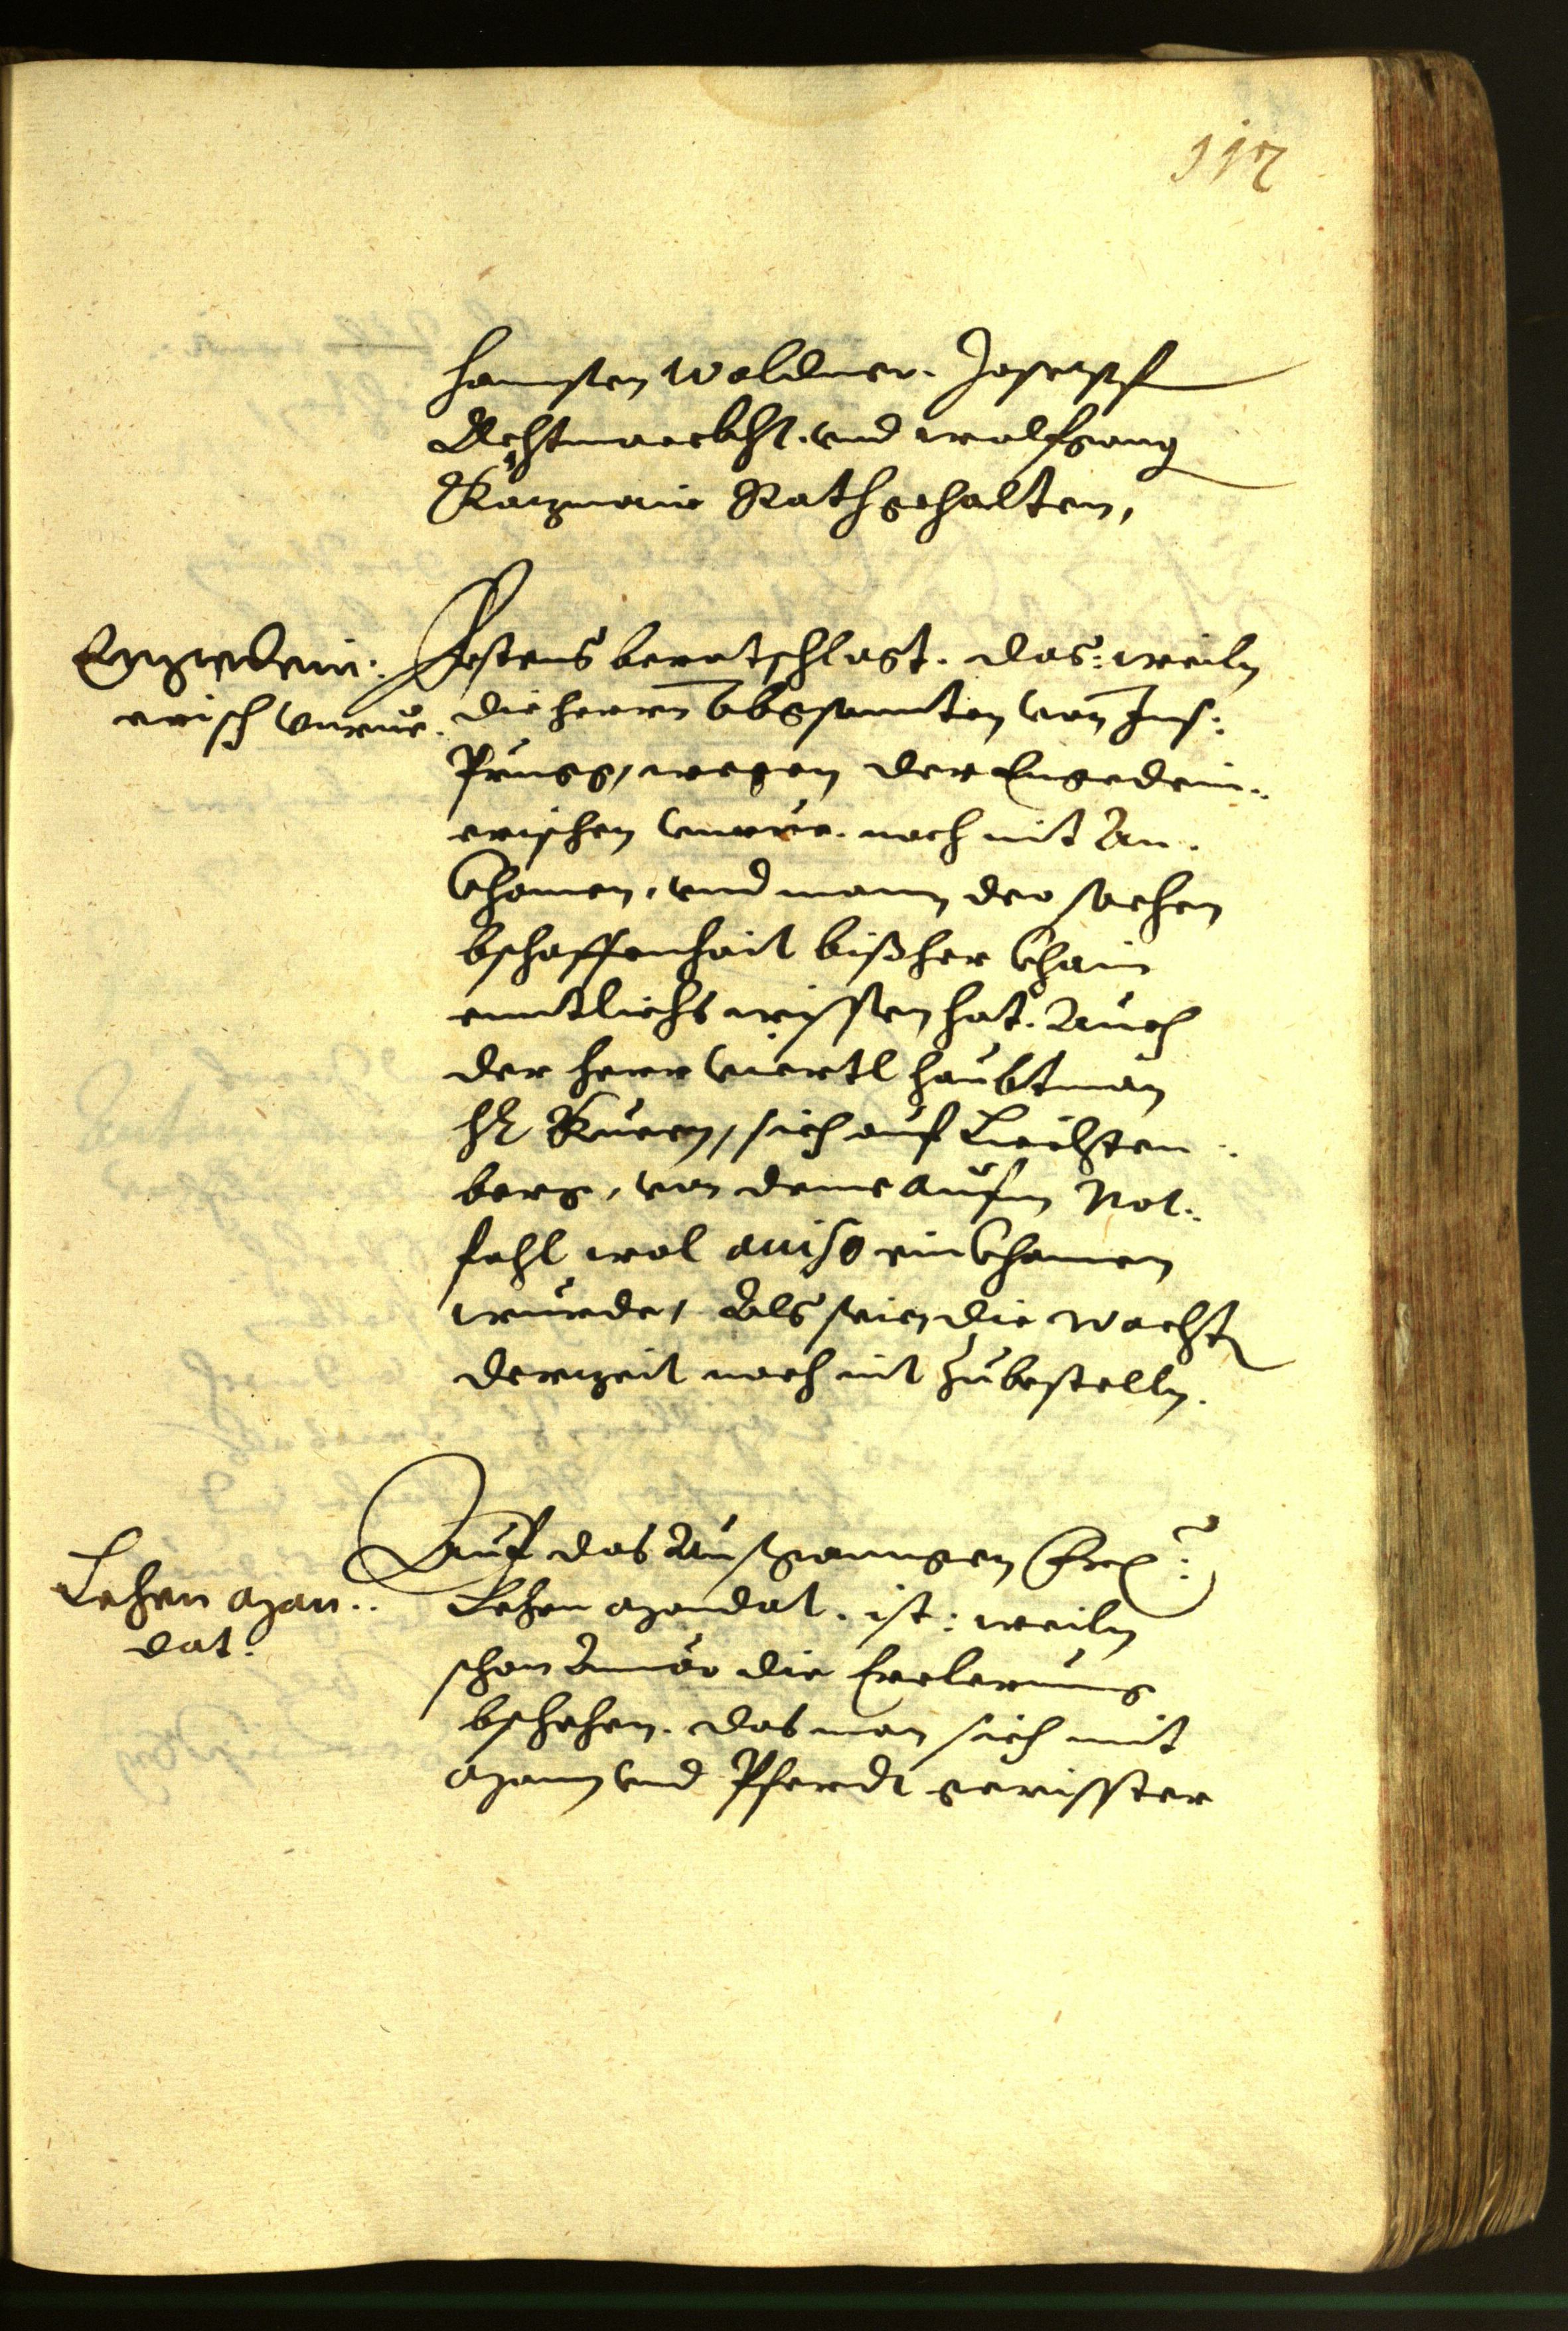117
hannsen Waldner. Joseff
Achtmarckht. vnd Wolfgang
Kazmair Rath gehalten,
Erstens beratschlagt. das: weiln
die herrn Abgsannten von Ins¬
Prūgg, wegen der Engedein¬
erischen vnrūe. noch nit An¬
khomen. vnd mann der sachen
bschaffenhait bißher khain
enntlichs wissen hat. Aūch
der herr viertlhaūbtman
hl Kūeen, sich aūf Liechten¬
berg, von deme aūfm Not¬
fahl wol auiso einkhomen
wūrde, Als seien die Wacht
derzeit noch nit Zūbestelln.
Engedein¬
erisch Vnrūe.
Aūf das Aūsganngen Frl:
Lehen Mandat. ist: weiln
schon Anūor die Erclerūng
bschehen. das man sich mit
Mann vnd Pferdt gerisster
Lehen Man¬
dat.